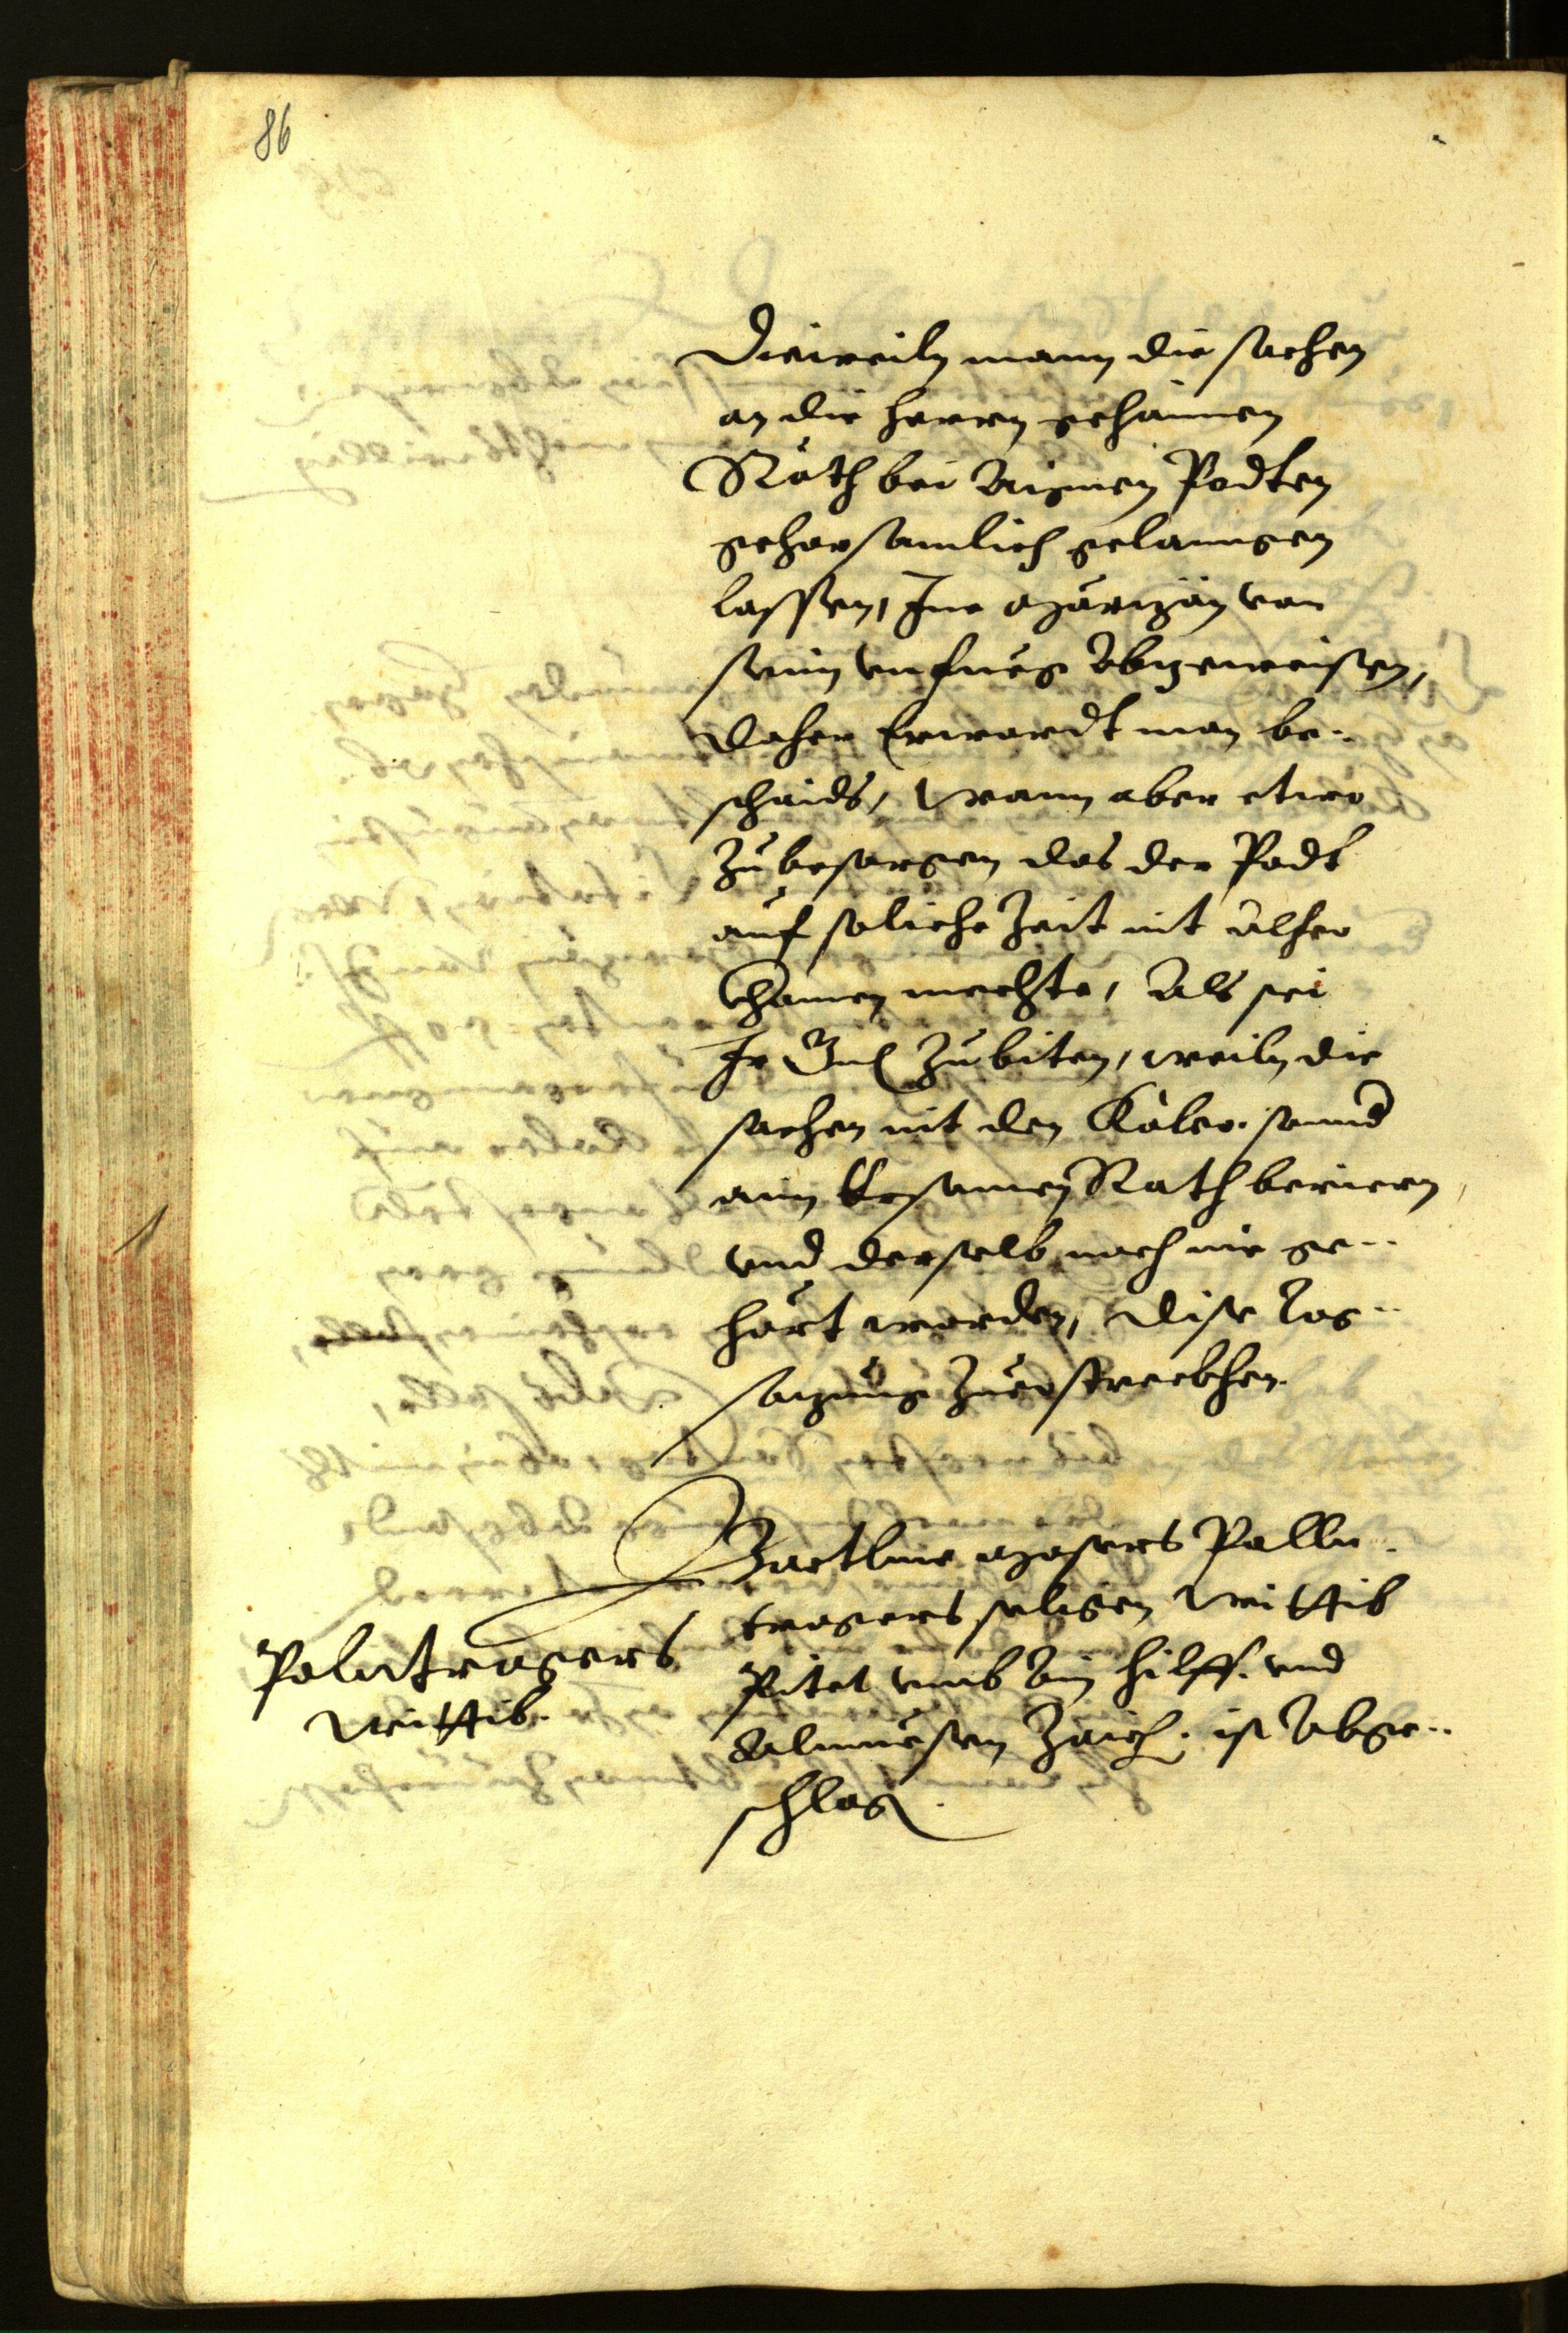86
dieweiln mann die sachen
an die herrn gehaimen
Rāth bei Aignen Podten
gehorsamlich gelanngen
lassen, Ine Mārzän von
seim vnfūeg Abzeweisen,
daher Erwardt man be¬
schaids, wann aber etwa
Zū besorgen das der Podt
aūf soliche Zeit nit Alher
khomen mechte, Als sei
Ir Gn Zū biten, weiln die
Sachen nit den Kōler. sonnd
Aim Ersamen Rath beriern
vnd derselb noch nie ge¬
hōrt worden, dise Tag¬
sazūng Zūerstreckhen.
Bartlme Mosers Palln¬
tragers seligen Wittib
Pitet vmb Ain hilff. vnd
Almūesen Zaich. ist Abge¬
schlag.
Palntragers
Wittib.